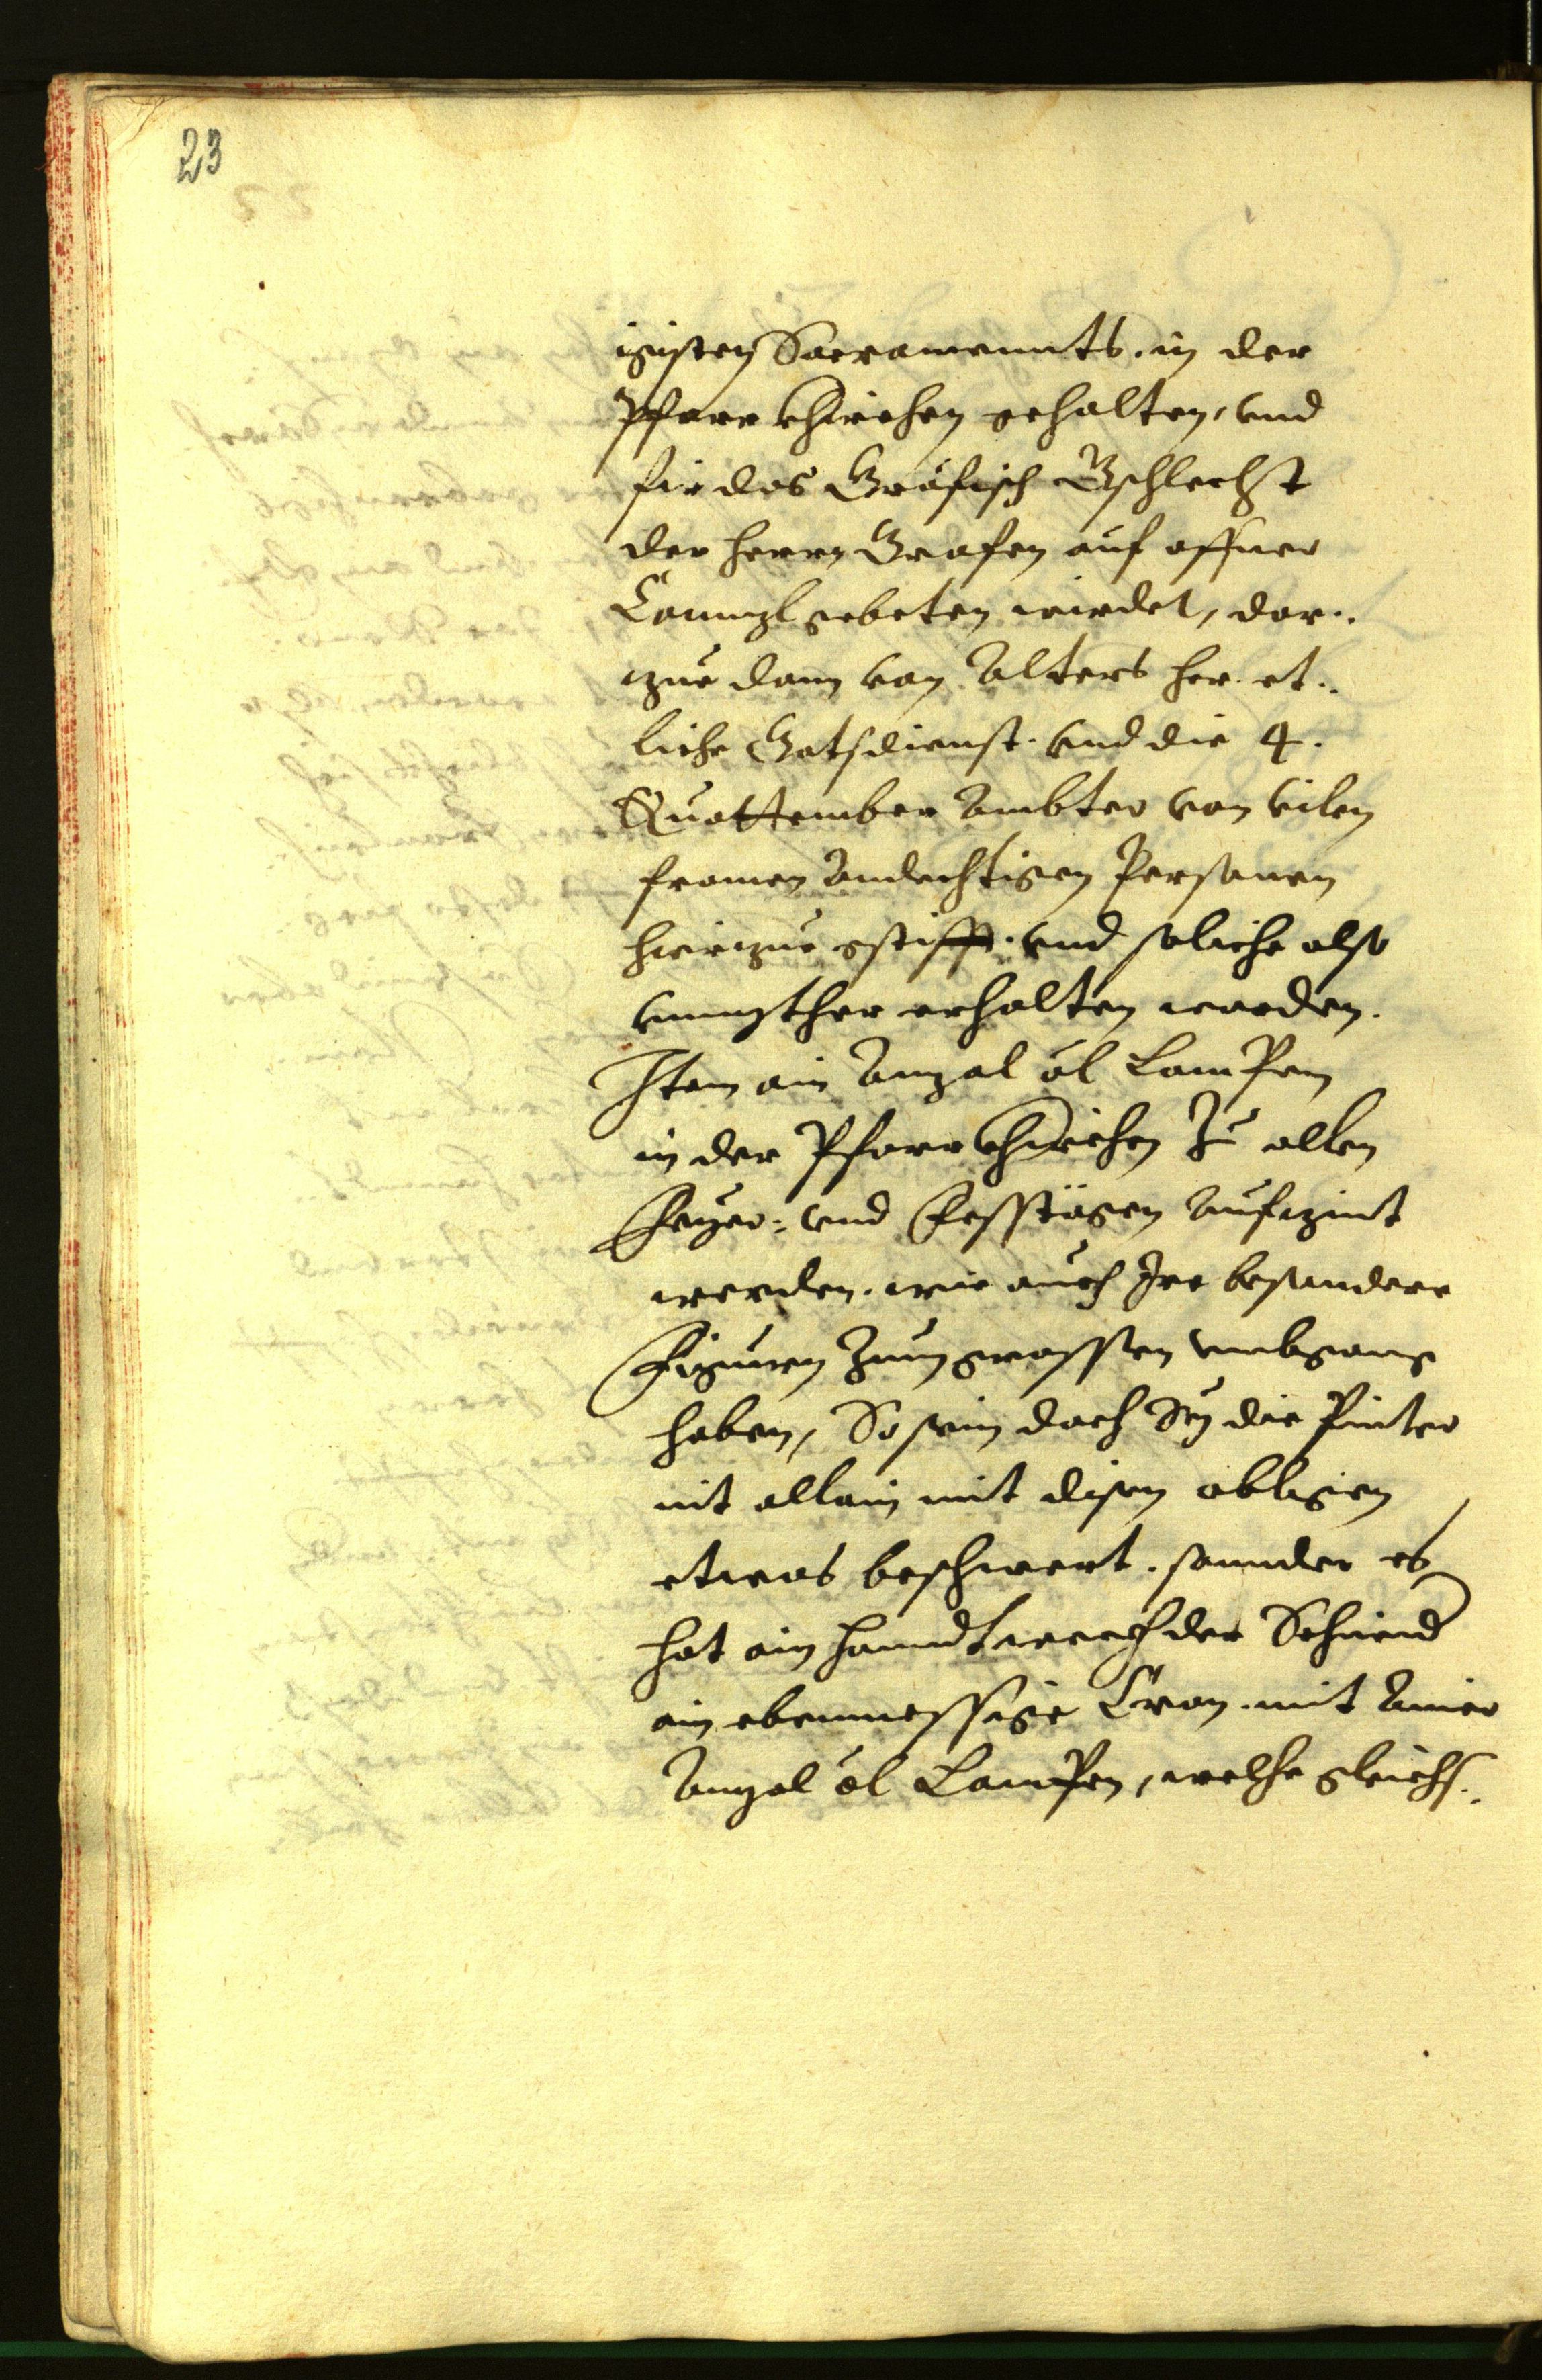23
igisten Sacraments. in der
Pfarrkhirchen gehalten, vnd
fir das Gräfisch Gschlecht
der herrn Grafen aūf offner
Cannzl gebeten wirdet, dar¬
zūe dann von Alters her et¬
liche Gotsdienst. vnd die 4.
Qūattember Ambter von vilen
fromen Andechtigen Personen
hierzūe gstifft. vnd soliche also
vnnzther erhalten worden.
Item ain Anzal ōl LamPen
in der Pfarrkhirchen Zū allen
Feȳer: vnd Fesstägen Aūfzint
werden. wie aūch Ire besondere
Figūren Zūm grossen Vmbgang
haben, So sein doch Sȳ die Pinter
nit allain mit disen obligen
etwas beschwert. sonnder es
hat ain Hanndtwerckh der Schneid
ain ebenmessige Cron. mit Ainer
Anzal ōl LamPen, welche gleichs¬